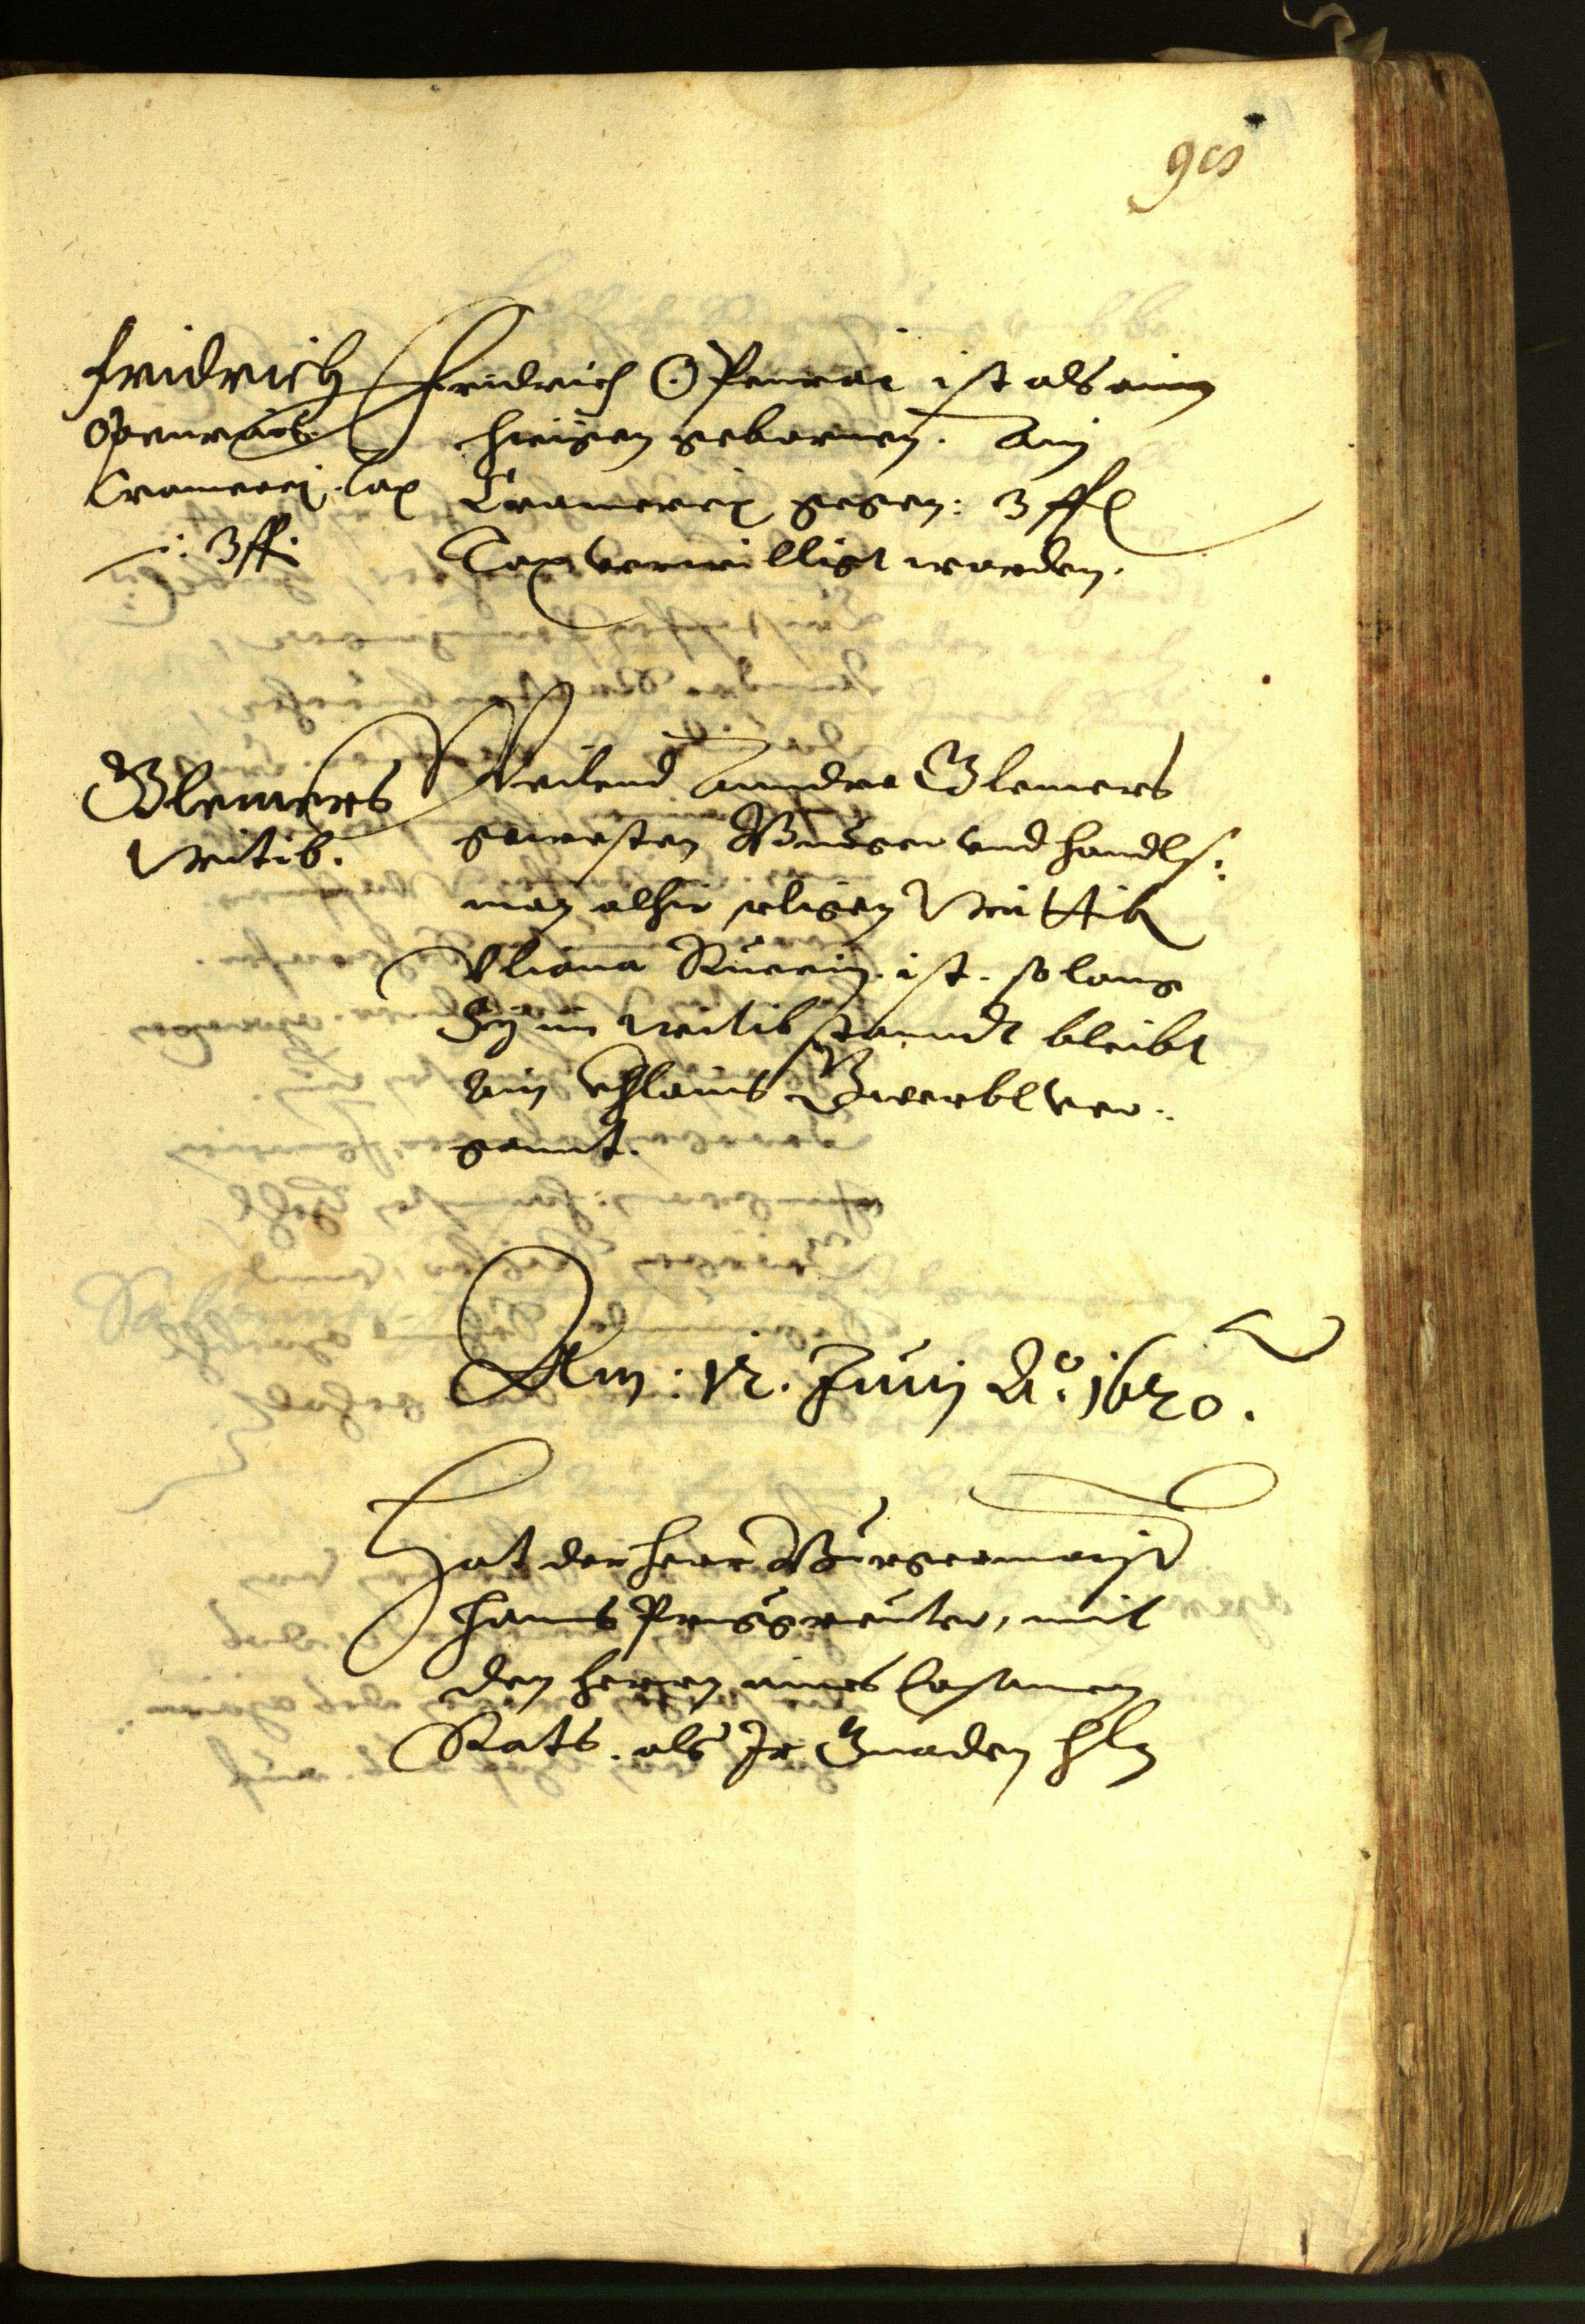98
Fridrich Openrai ist als aim
hieigen gebornen. Ain
Cramerej gegen: 3 fl
Tax verwilligt worden.
Fridrich
Openrais.
Cramerej. Tax
—: 3 fl.
Weilend Anndre Glemers
gewesten Būrger vnd handls¬
man alhie seligen Wittib
Vliana Kūeenin. ist. so lang
Sÿ im Witib stanndt bleibt
Ain khlains Gwerbl ver¬
gonnt.
Glemers
Witib.
t
Am: 12. Jūnj Ao. 1620.
Hat der herr Būrgermaist
hanns Prūggreūter, mit
den herrn aines Ersamen
Rats. als Ir Gnaden hln